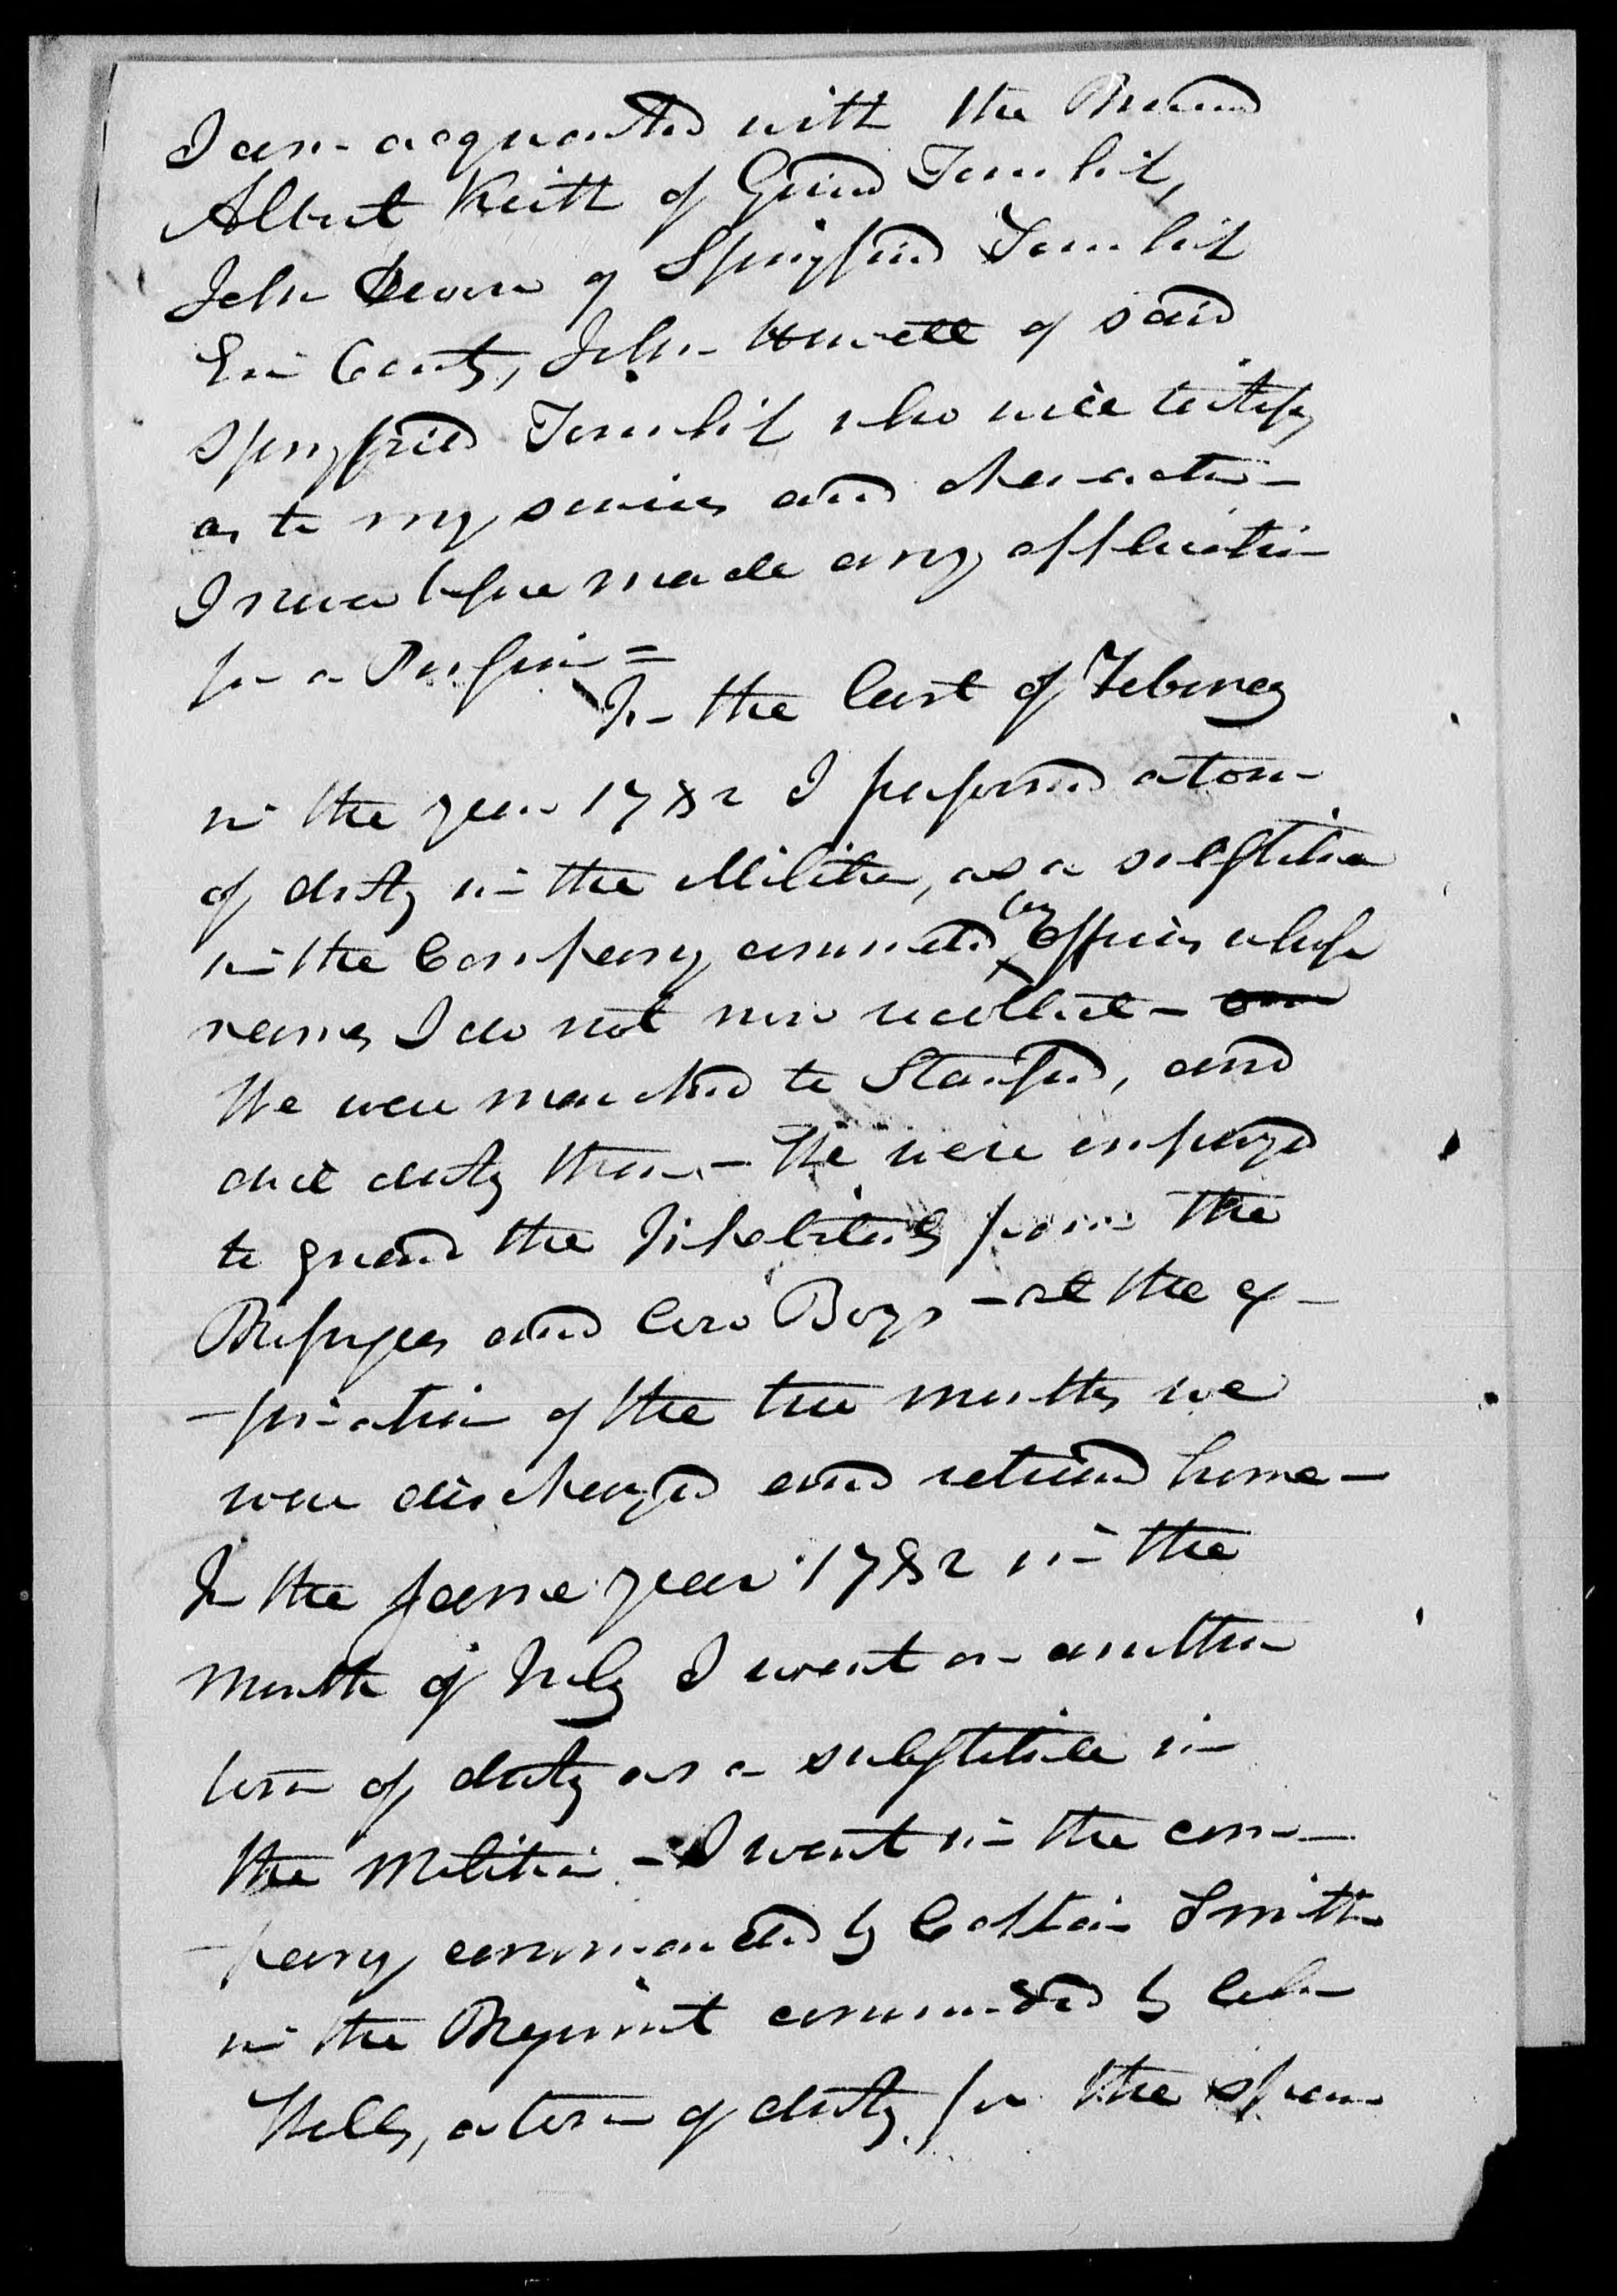I am acquainted with the named Albert Keith of [unk], John Devon of Springfield [unk] Erie County, John Bennett of said Springfield [unk] who will testify as to my services and character. I never before made any application for a pension.

In the last of February in the year 1782 I performed a tour o duty in the Militia, as a substitute in the company commanded by officer whose names I do not now recollect and we were marched to Stamford, and did duty there. We were employed to guard the inhabitants from the [unk] and [unk], at the expiration of the two months we were discharged and returned home. In the same year 1782 in the month of July  went on another tour of duty as a substitute in the Militia. I went in the company commanded by Captain Smith in the Regiment commanded by Col Wells, a tour of duty for the [unk]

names: John Devore; Albert Keith; John Hewett; [BLANK] Smith; [BLANK] Miles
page: 5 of 13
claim: rejected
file: R 10420, for Martin Tayler, Connecticut